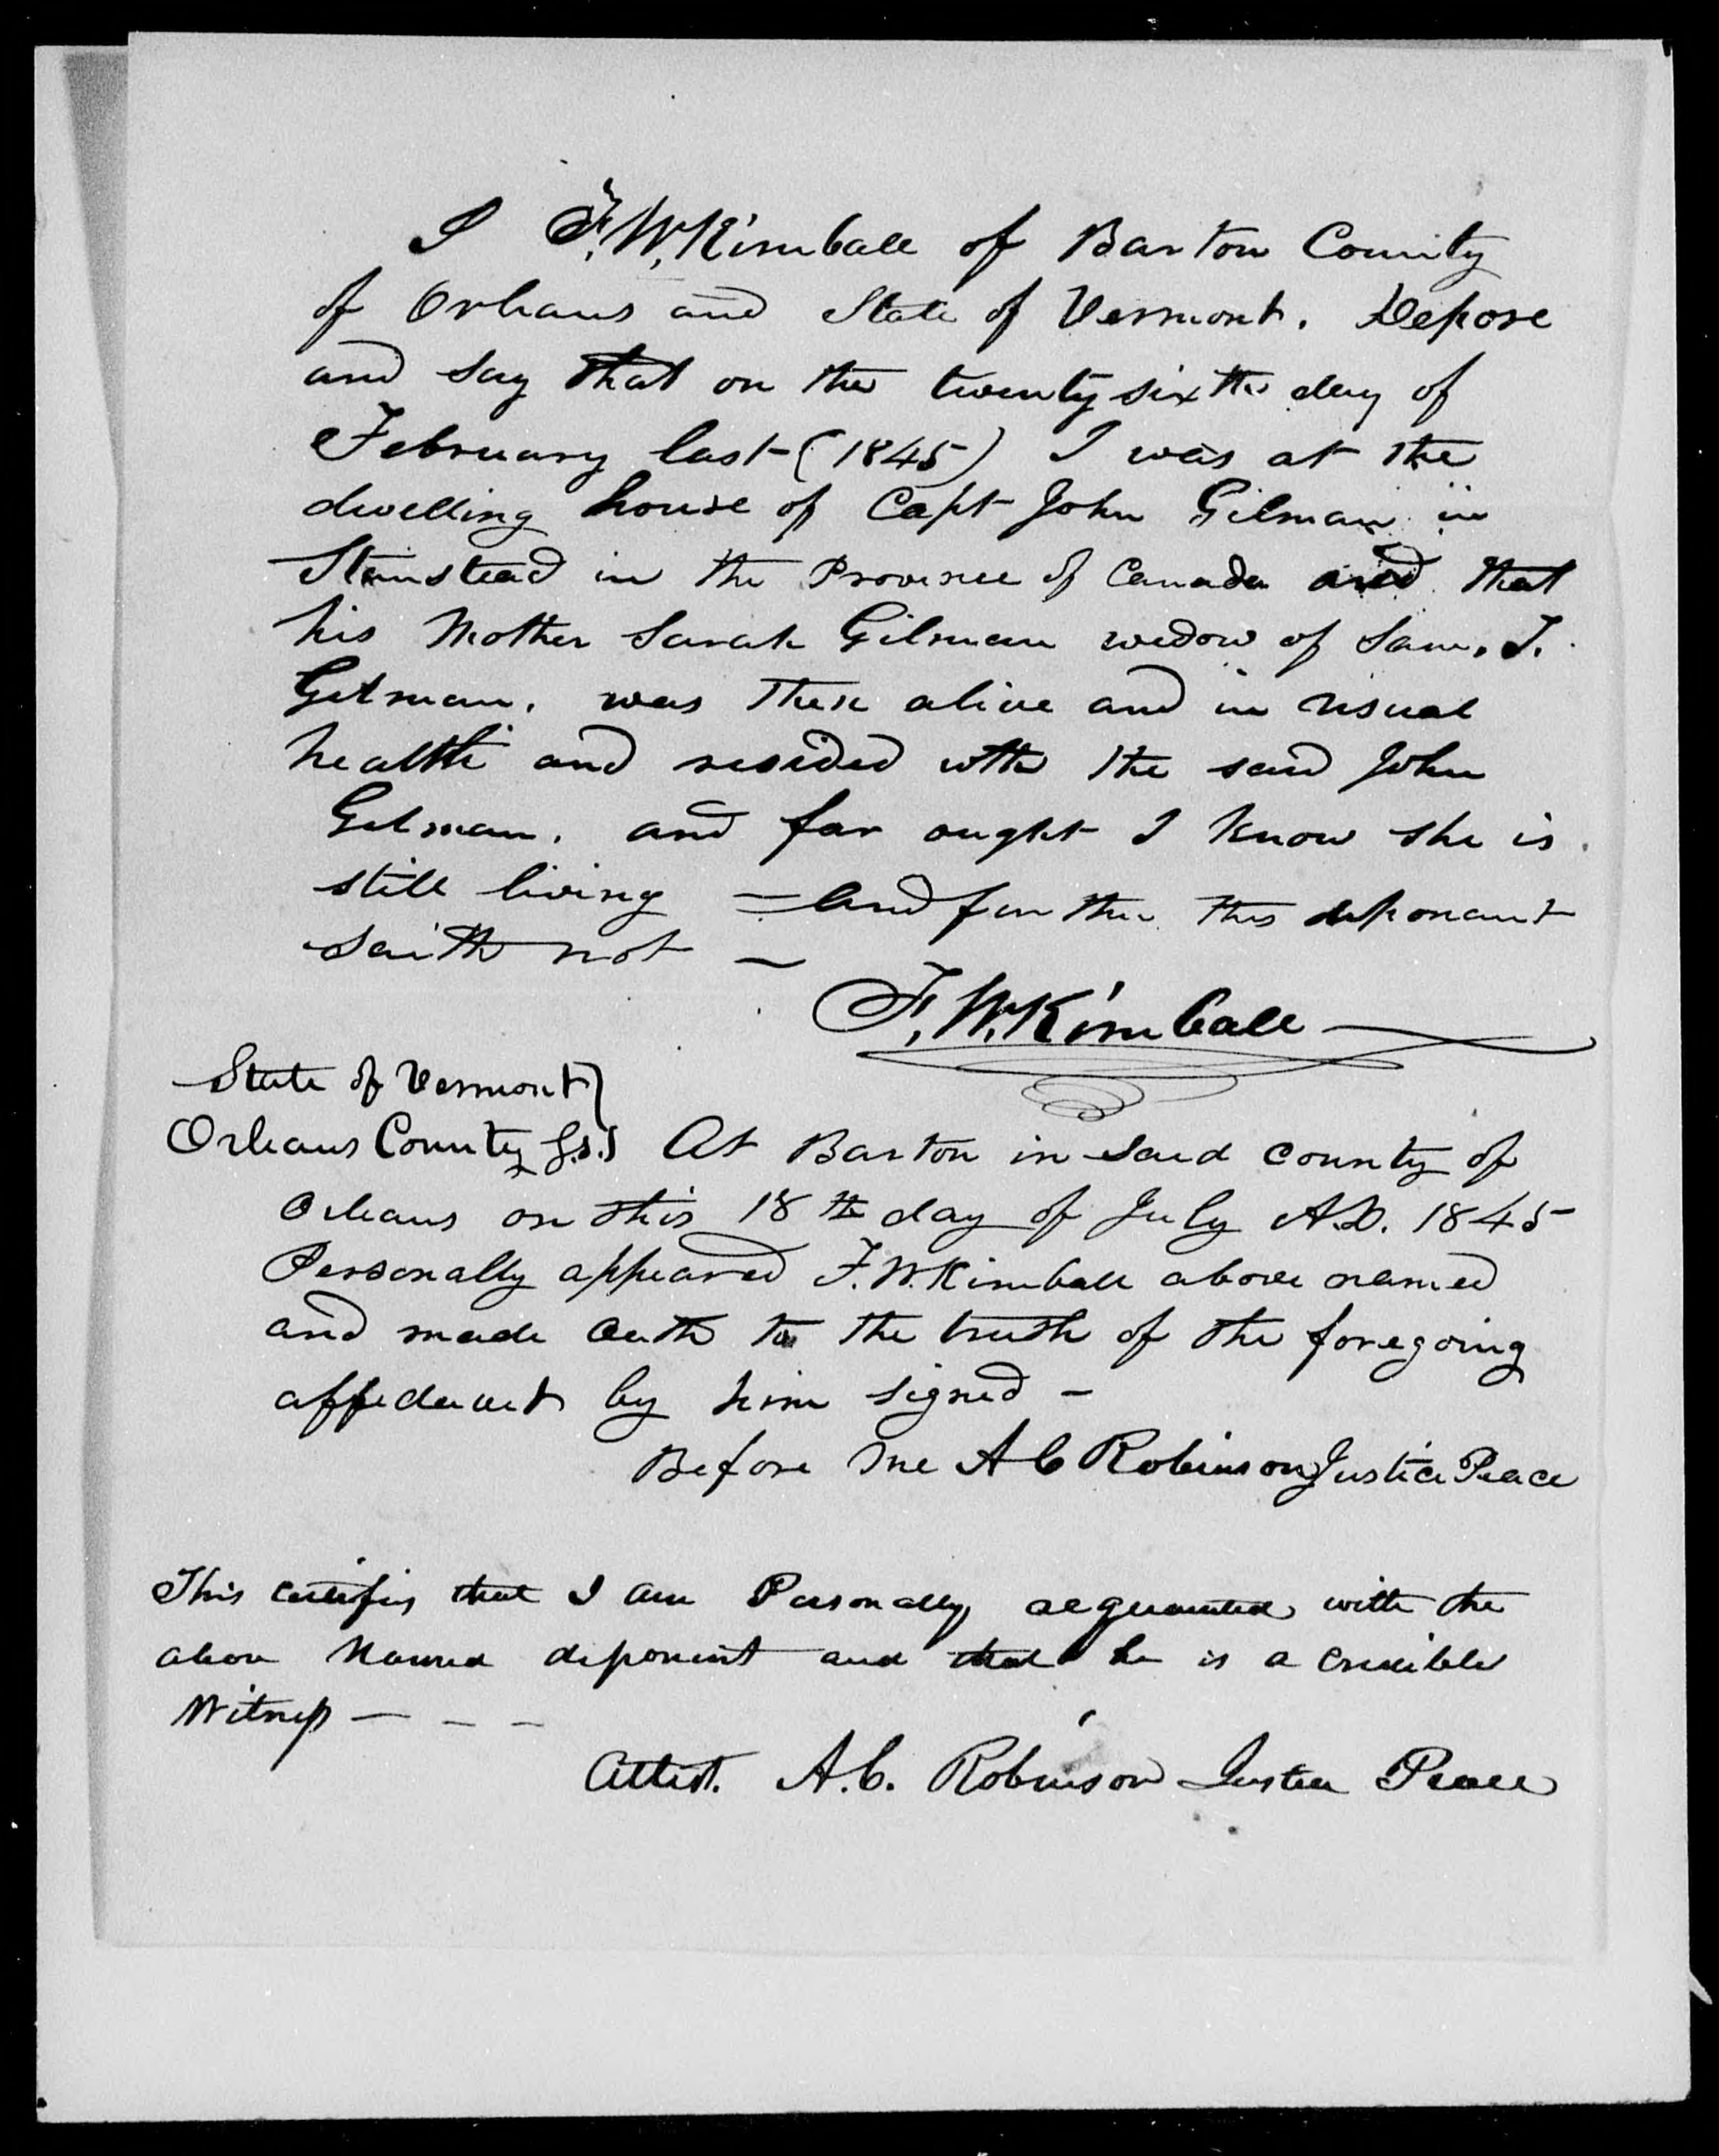I F. W. Kimball of Barton County of Orleans and State of Vermont Depose and Say that on the twentysixth day of February last (1845) I was at the dwelling house of Capt John Gilman in Stanstead in the Province of Canada and that his mother Sarah Gilman widow of Sam. T. Gilman was then alive and in usual health and resided with the said John Gilman. anf far ought I know she is still living - and further this deponant saith not! 
F. W. Kimball

State of Vermont
Orleans County ss }
At Barton in said county of Orleans on this 18th day of July A.D. 1845 Personally appeared F. W. Kimball above named and made oath to the truth of the foregoing affidavit by him signed -
Before me A. C. Robinson Justice Peace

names: F W Kimball, Sam T Gilman, F W Kimball, John Gilman, Sarah Gilman, John Gilman, F W Kimball, A C Robinson, A C Robinson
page: 53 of 61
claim: widow's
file: W. 19500, Samuel Thing Gilman, Continental N.H.